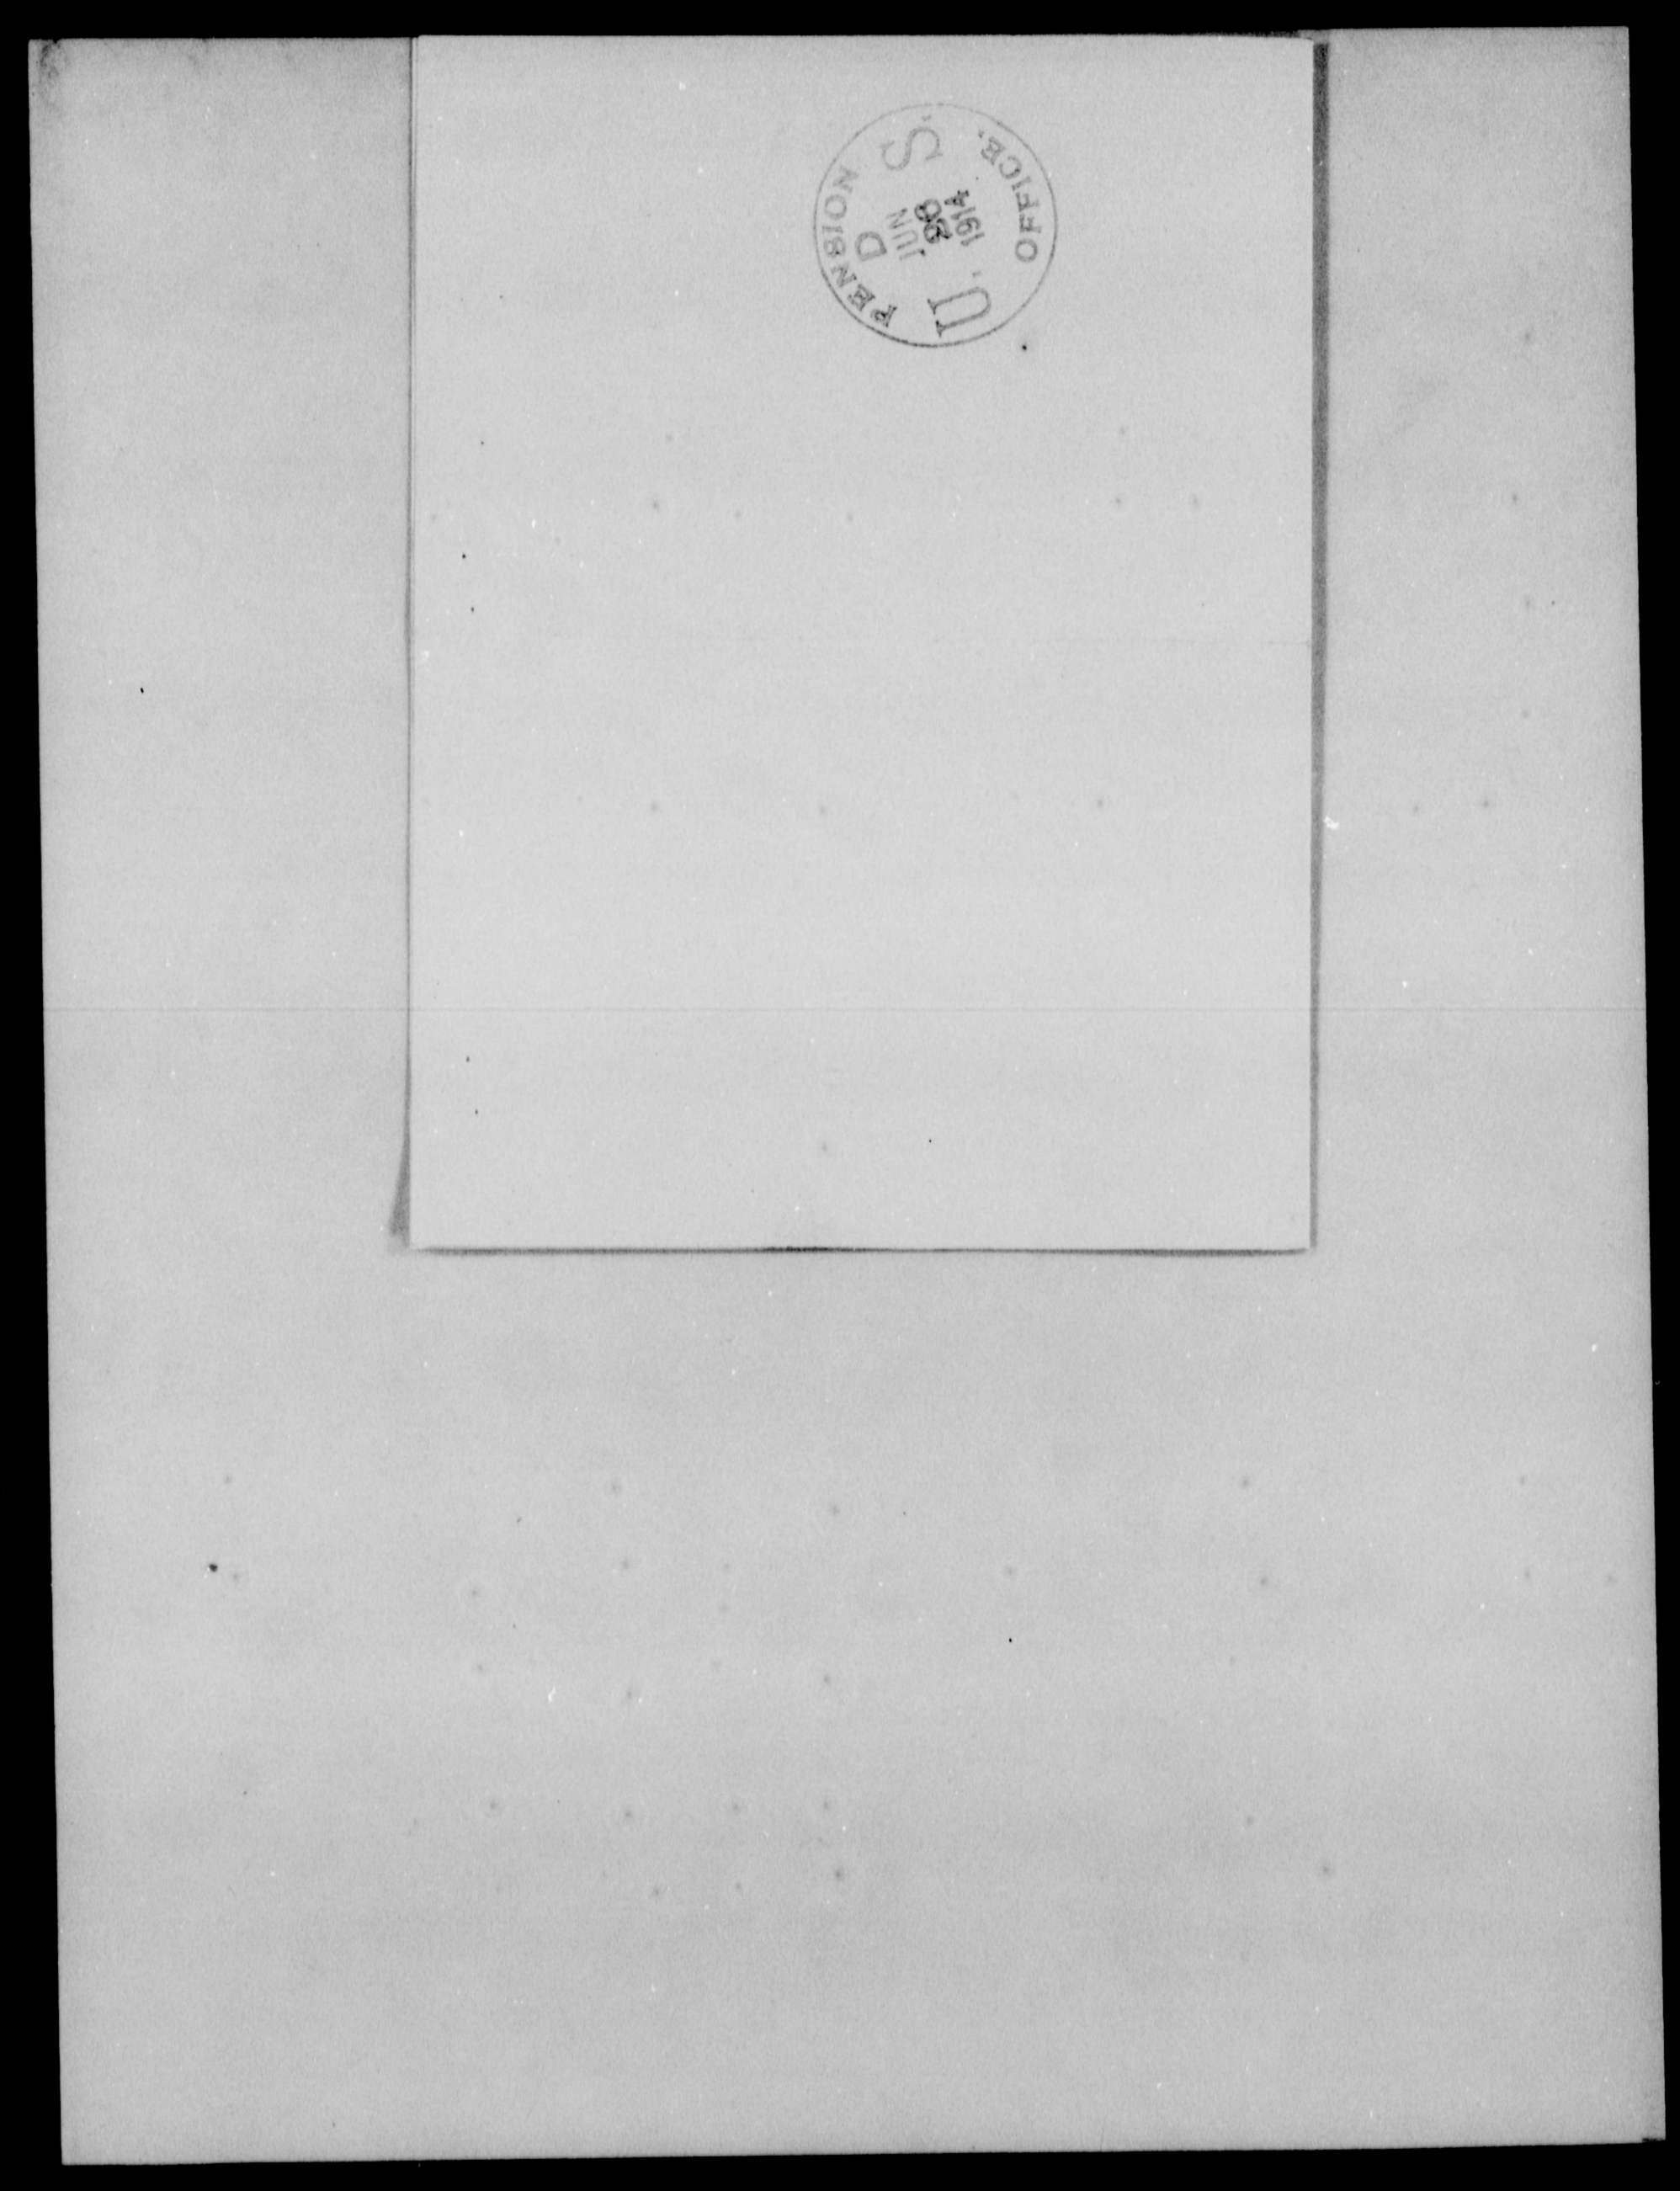[stamp]

U.S. PENSION
D 
JUN
26
1914
OFFICE.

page: 20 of 20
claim: survivor's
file: S. 40412, for Daniel Shirley, New Hampshire